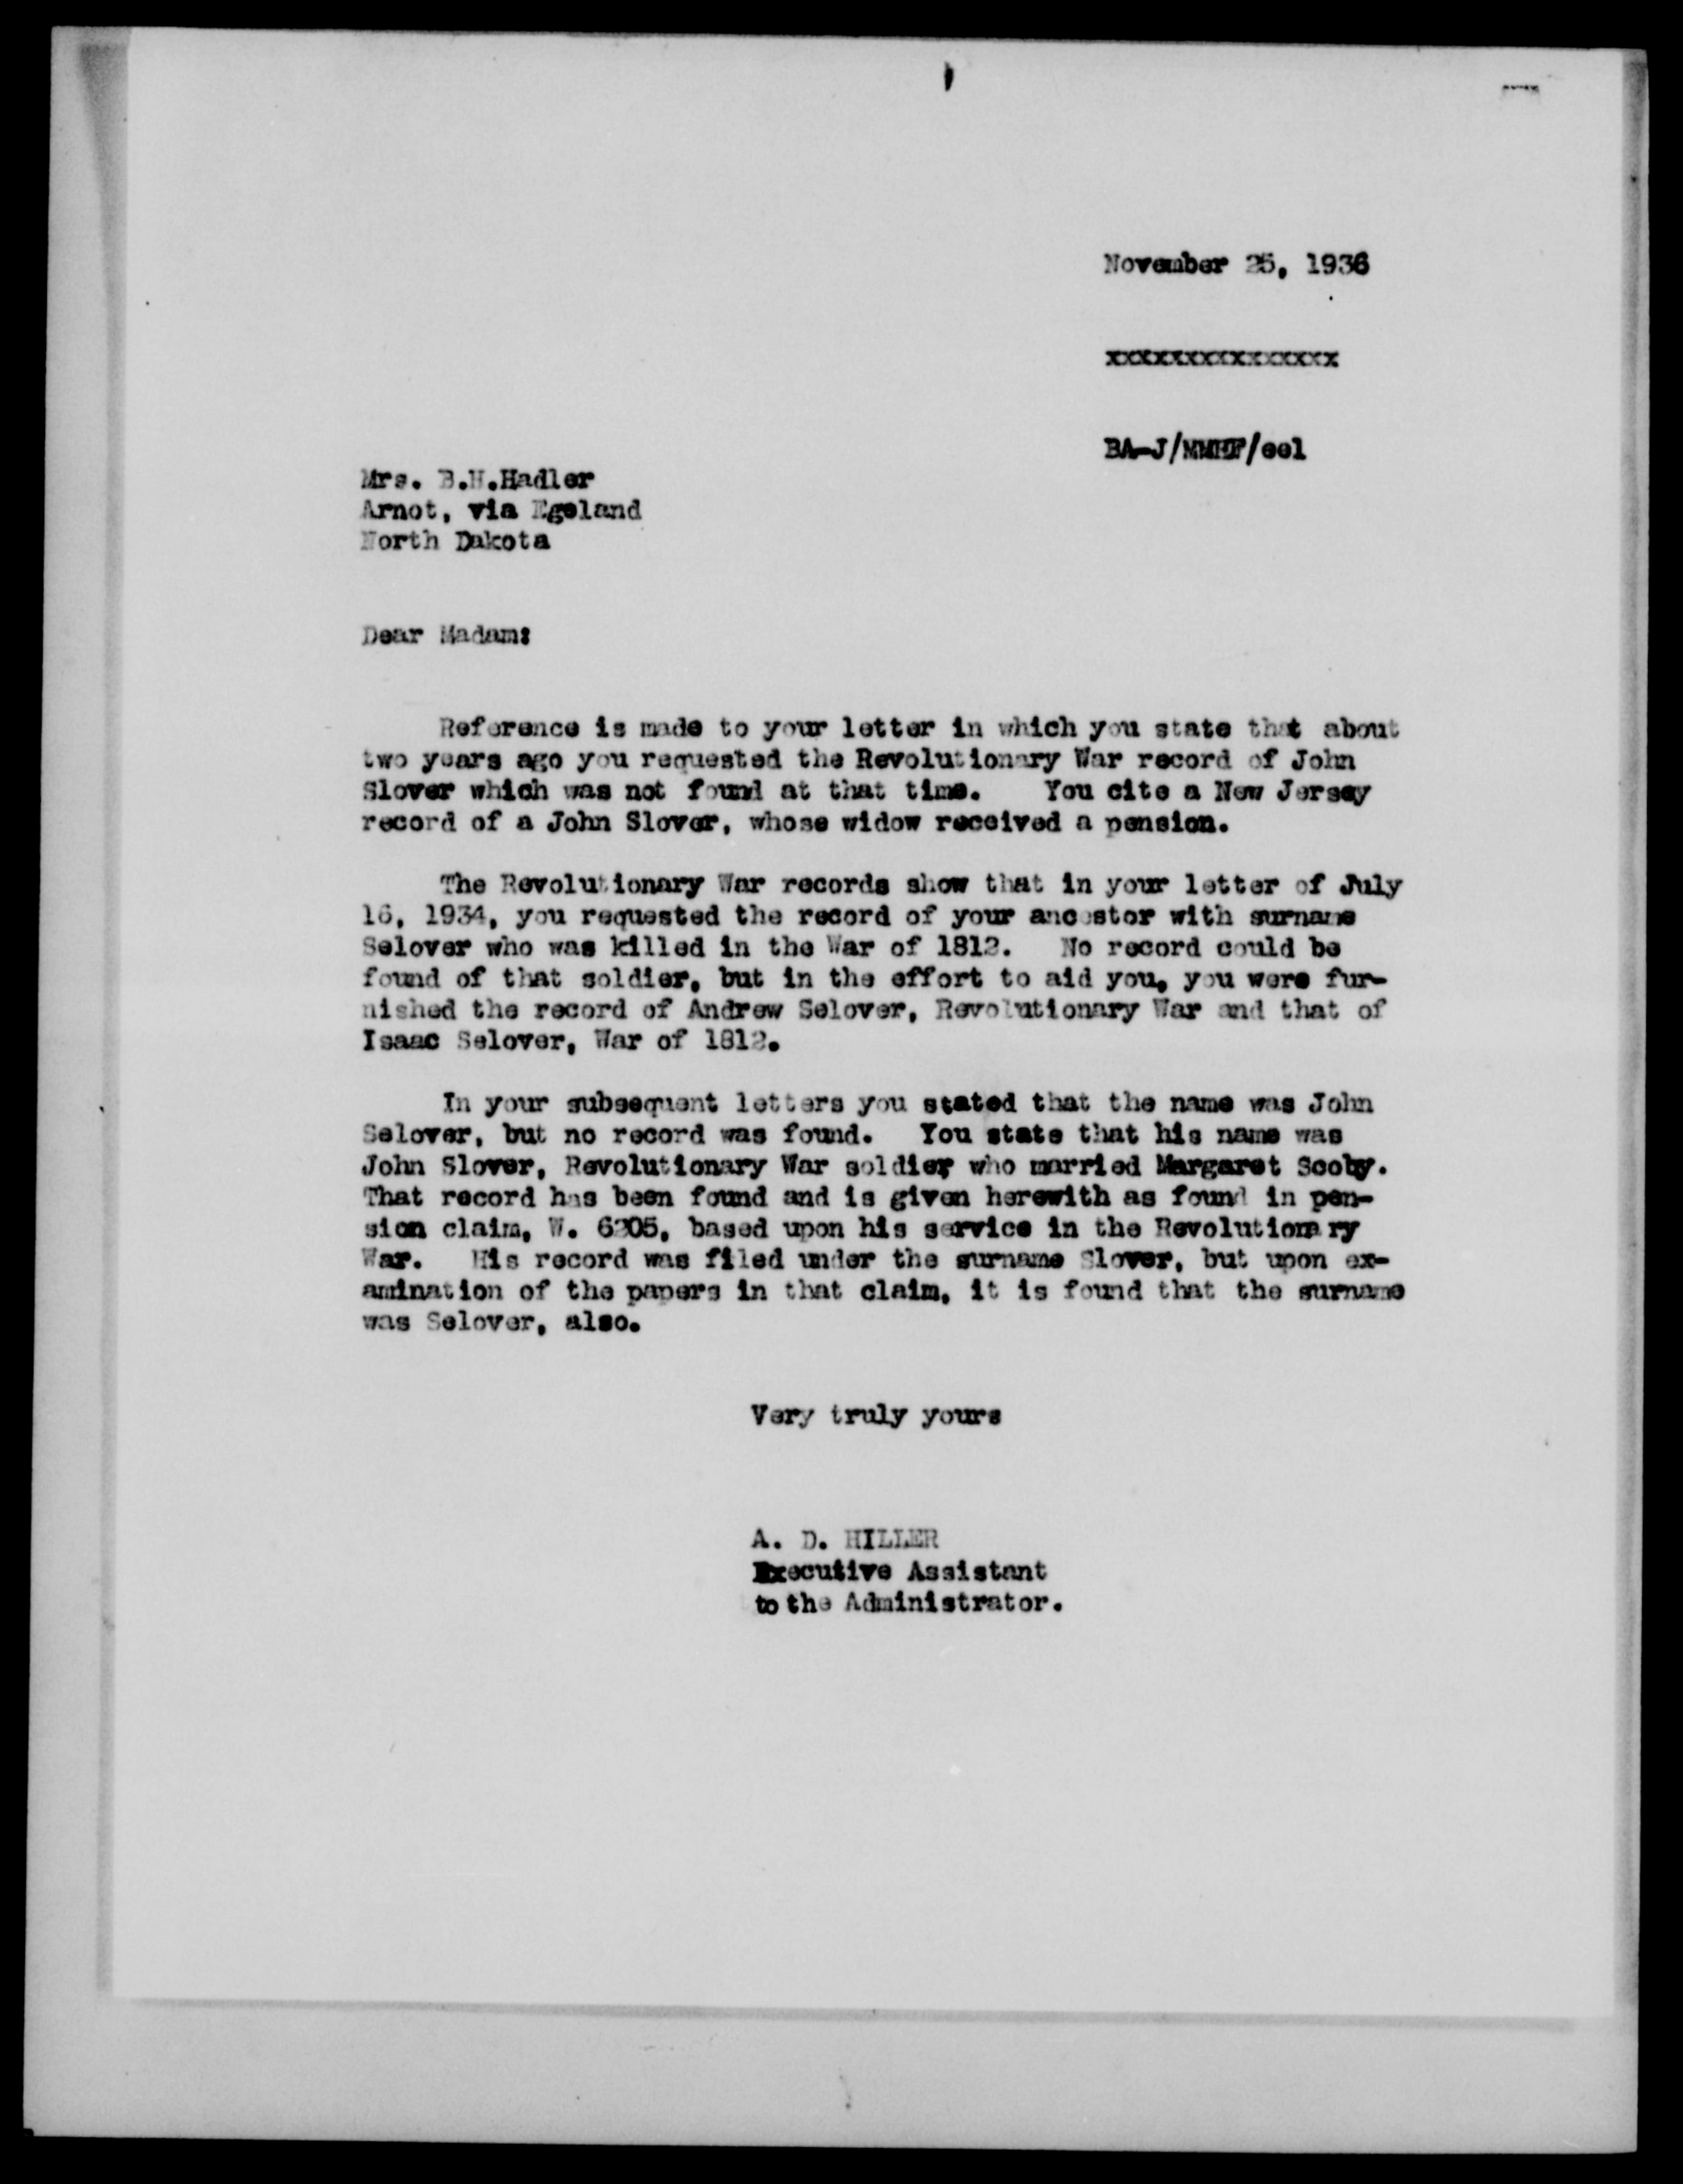November 25, 1938

BA-J/MMHF/eel

Mrs. B.H. Hadler
Arnot, via Egeland
North Dakota

Dear Madam:

Reference is made to your letter in which you state that about two years ago you requested the Revolutionary War record of John Slover which was not found at that time. You cite a New Jersey record of a John Slover, whose widow received a pension.

The Revolutionary War records show that in your letter of July 16, 1934, you requested the record of your ancestor with surname Selover who was killed in the War of 1812. No record could be found of that soldier, but in the effort to aid you, you were furnished the record of Andrew Selover, Revolutionary War and that of Isaac Selover, War of 1812.

In your subsequent letters you stated that the name was John Selover, but no record was found. You state that his name was John Slover, Revolutionary War soldier who married Margaret Scoby. That record has been found and is given herewith as found in pension claim, W.6205, based upon his service in the Revolutionary War. His record was filed under the surname Slover, but upon examination of the papers in that claim it is found that the surname was Selover, also.

Very truly yours
A.D. HILLER
Executive Assistant to the Administrator.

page: 38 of 46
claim: widow's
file: W. 6205, for John Slover, New Jersey